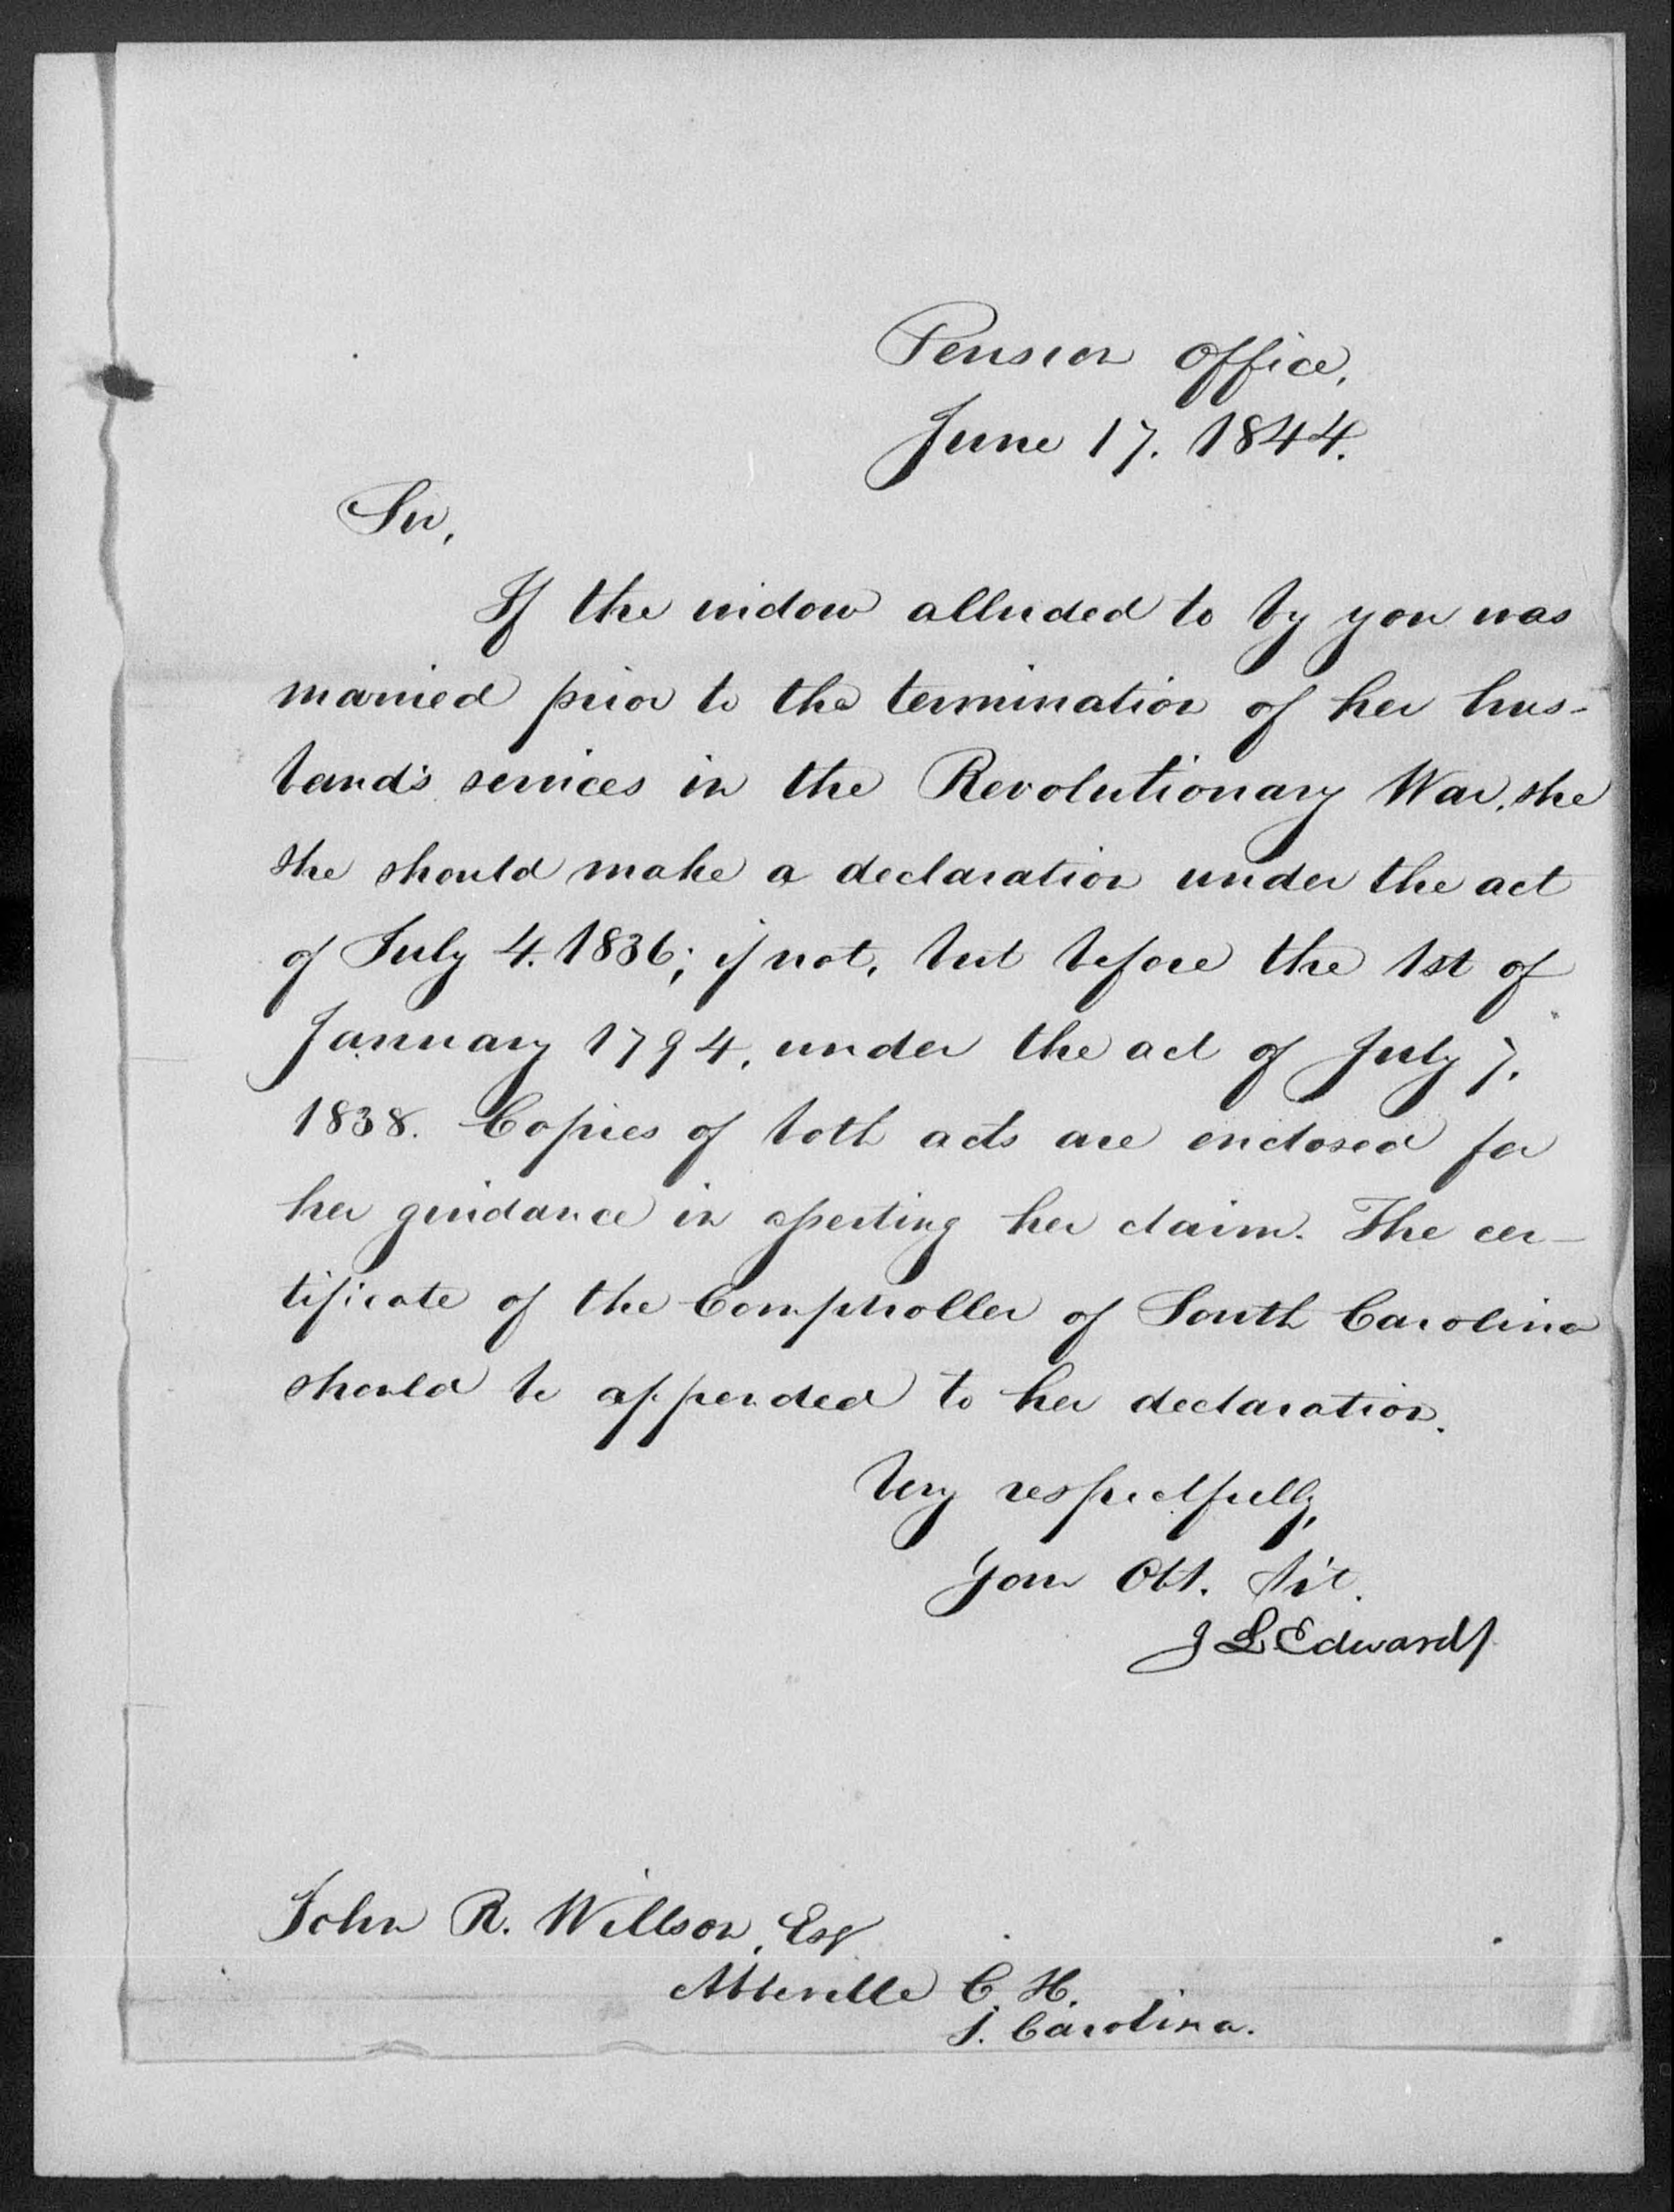Pension Office
June 17, 1844.

Sir,
If the widow alluded to by you was married prior to the termination of her husband's services in the Revolutionary War, the she should make a declaration under the act of July 4, 1836, if not, but before the 1st of January 1794. under the act of July 7 1838. Copies of both acts are enclosed for her guidance in asserting her claim. The certificate of the Comptroller of South Carolina should be appended to her declaration

Very respectfully
Your Obt. Set
J L Edwards

John R. Willson Esq
Abbeville C. H.
S. Carolina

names: John R Wilson, J L Edwards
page: 82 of 91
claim: widow's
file: W. 10576, Francis Carlisle, S.C.